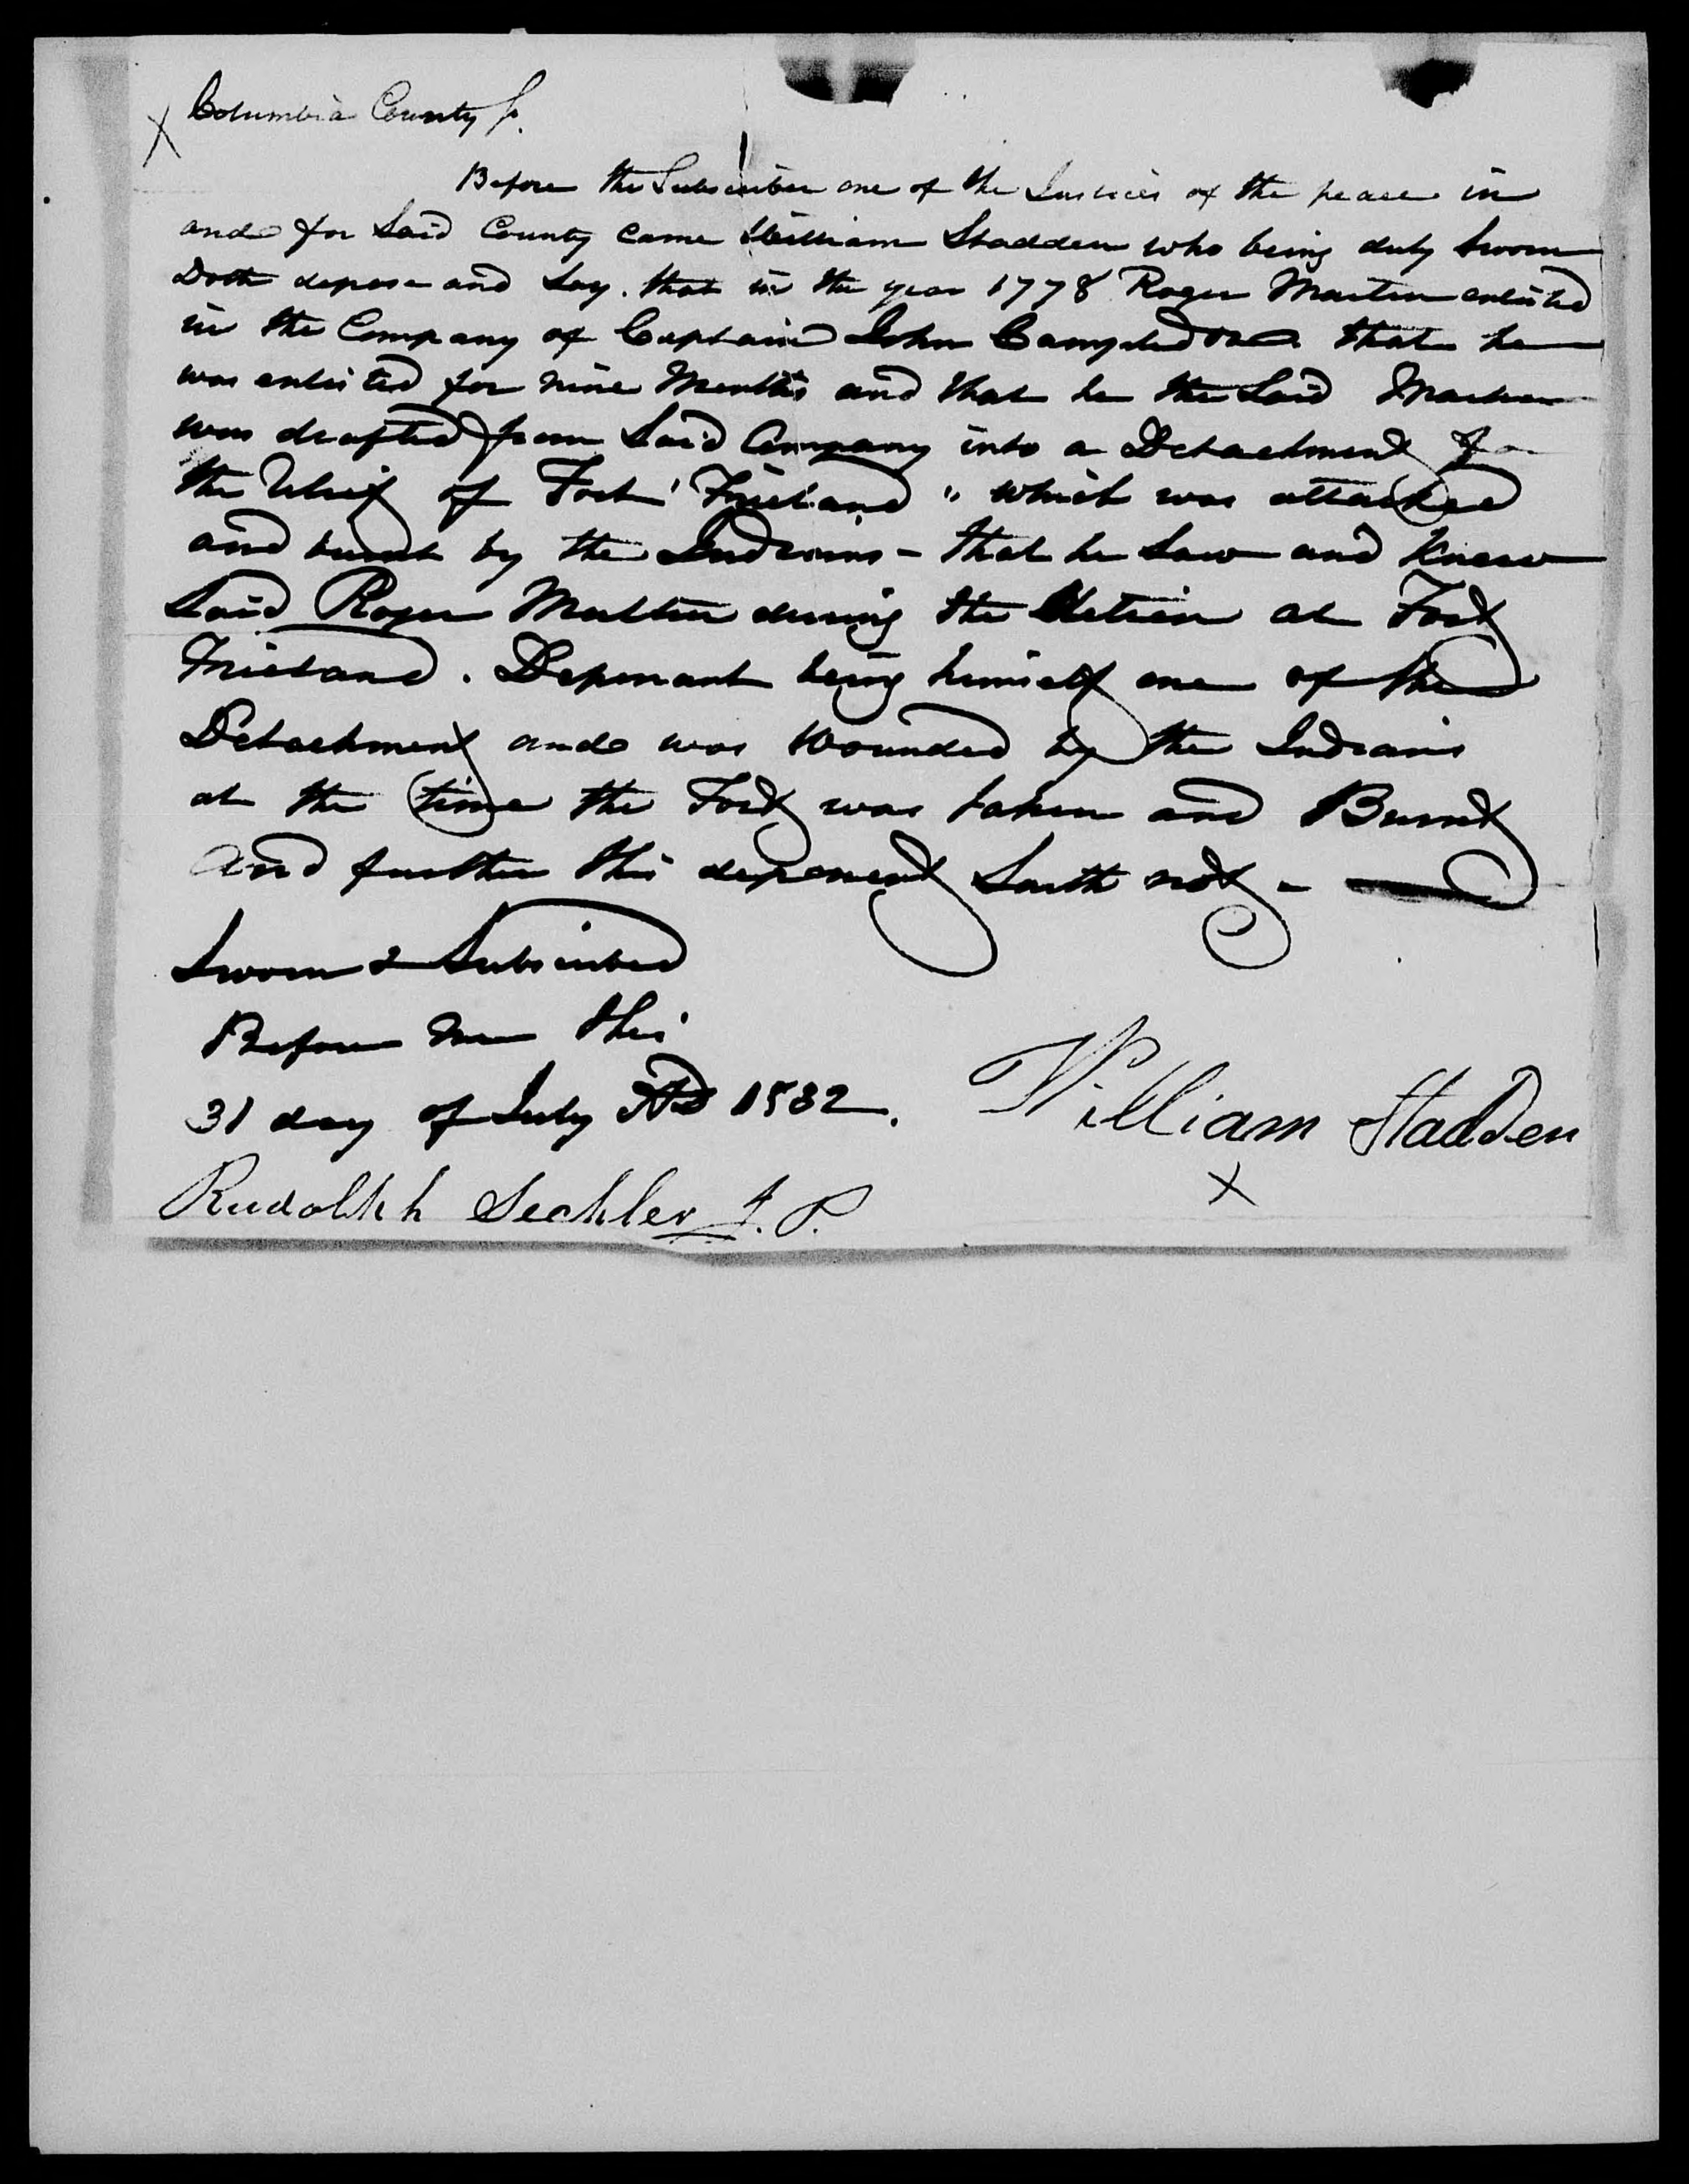Columbia County ss

    Before the subscribers one of the Justice of the Peace in and for said county came William Stadden who being duly sworn doth depose and say that in the year 1778 Roger Martin enlisted in the company of Captain Joh Berry...  and that he was enlisted for nine months and that he the said Martin was drafted from said company into a Detachment for the (illegible) of Fort Fristand which was attacked and burned by the Indians - that he saw and knew said Roger Martin during the (illegible) at Fort Fristand.  Deponent being himself one of the Detachment and was wounded by the Indians at the time the fort was taken and burned and further this deponent saith not.   

                                              William Stadden
                                                         X
Sworn & Subscribed
before me this 
31 day of July AD 1832
//s//
Rudolph Sechler J.P.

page: 6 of 12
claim: survivor's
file: S. 2733, for Roger Martin, Pennsylvania